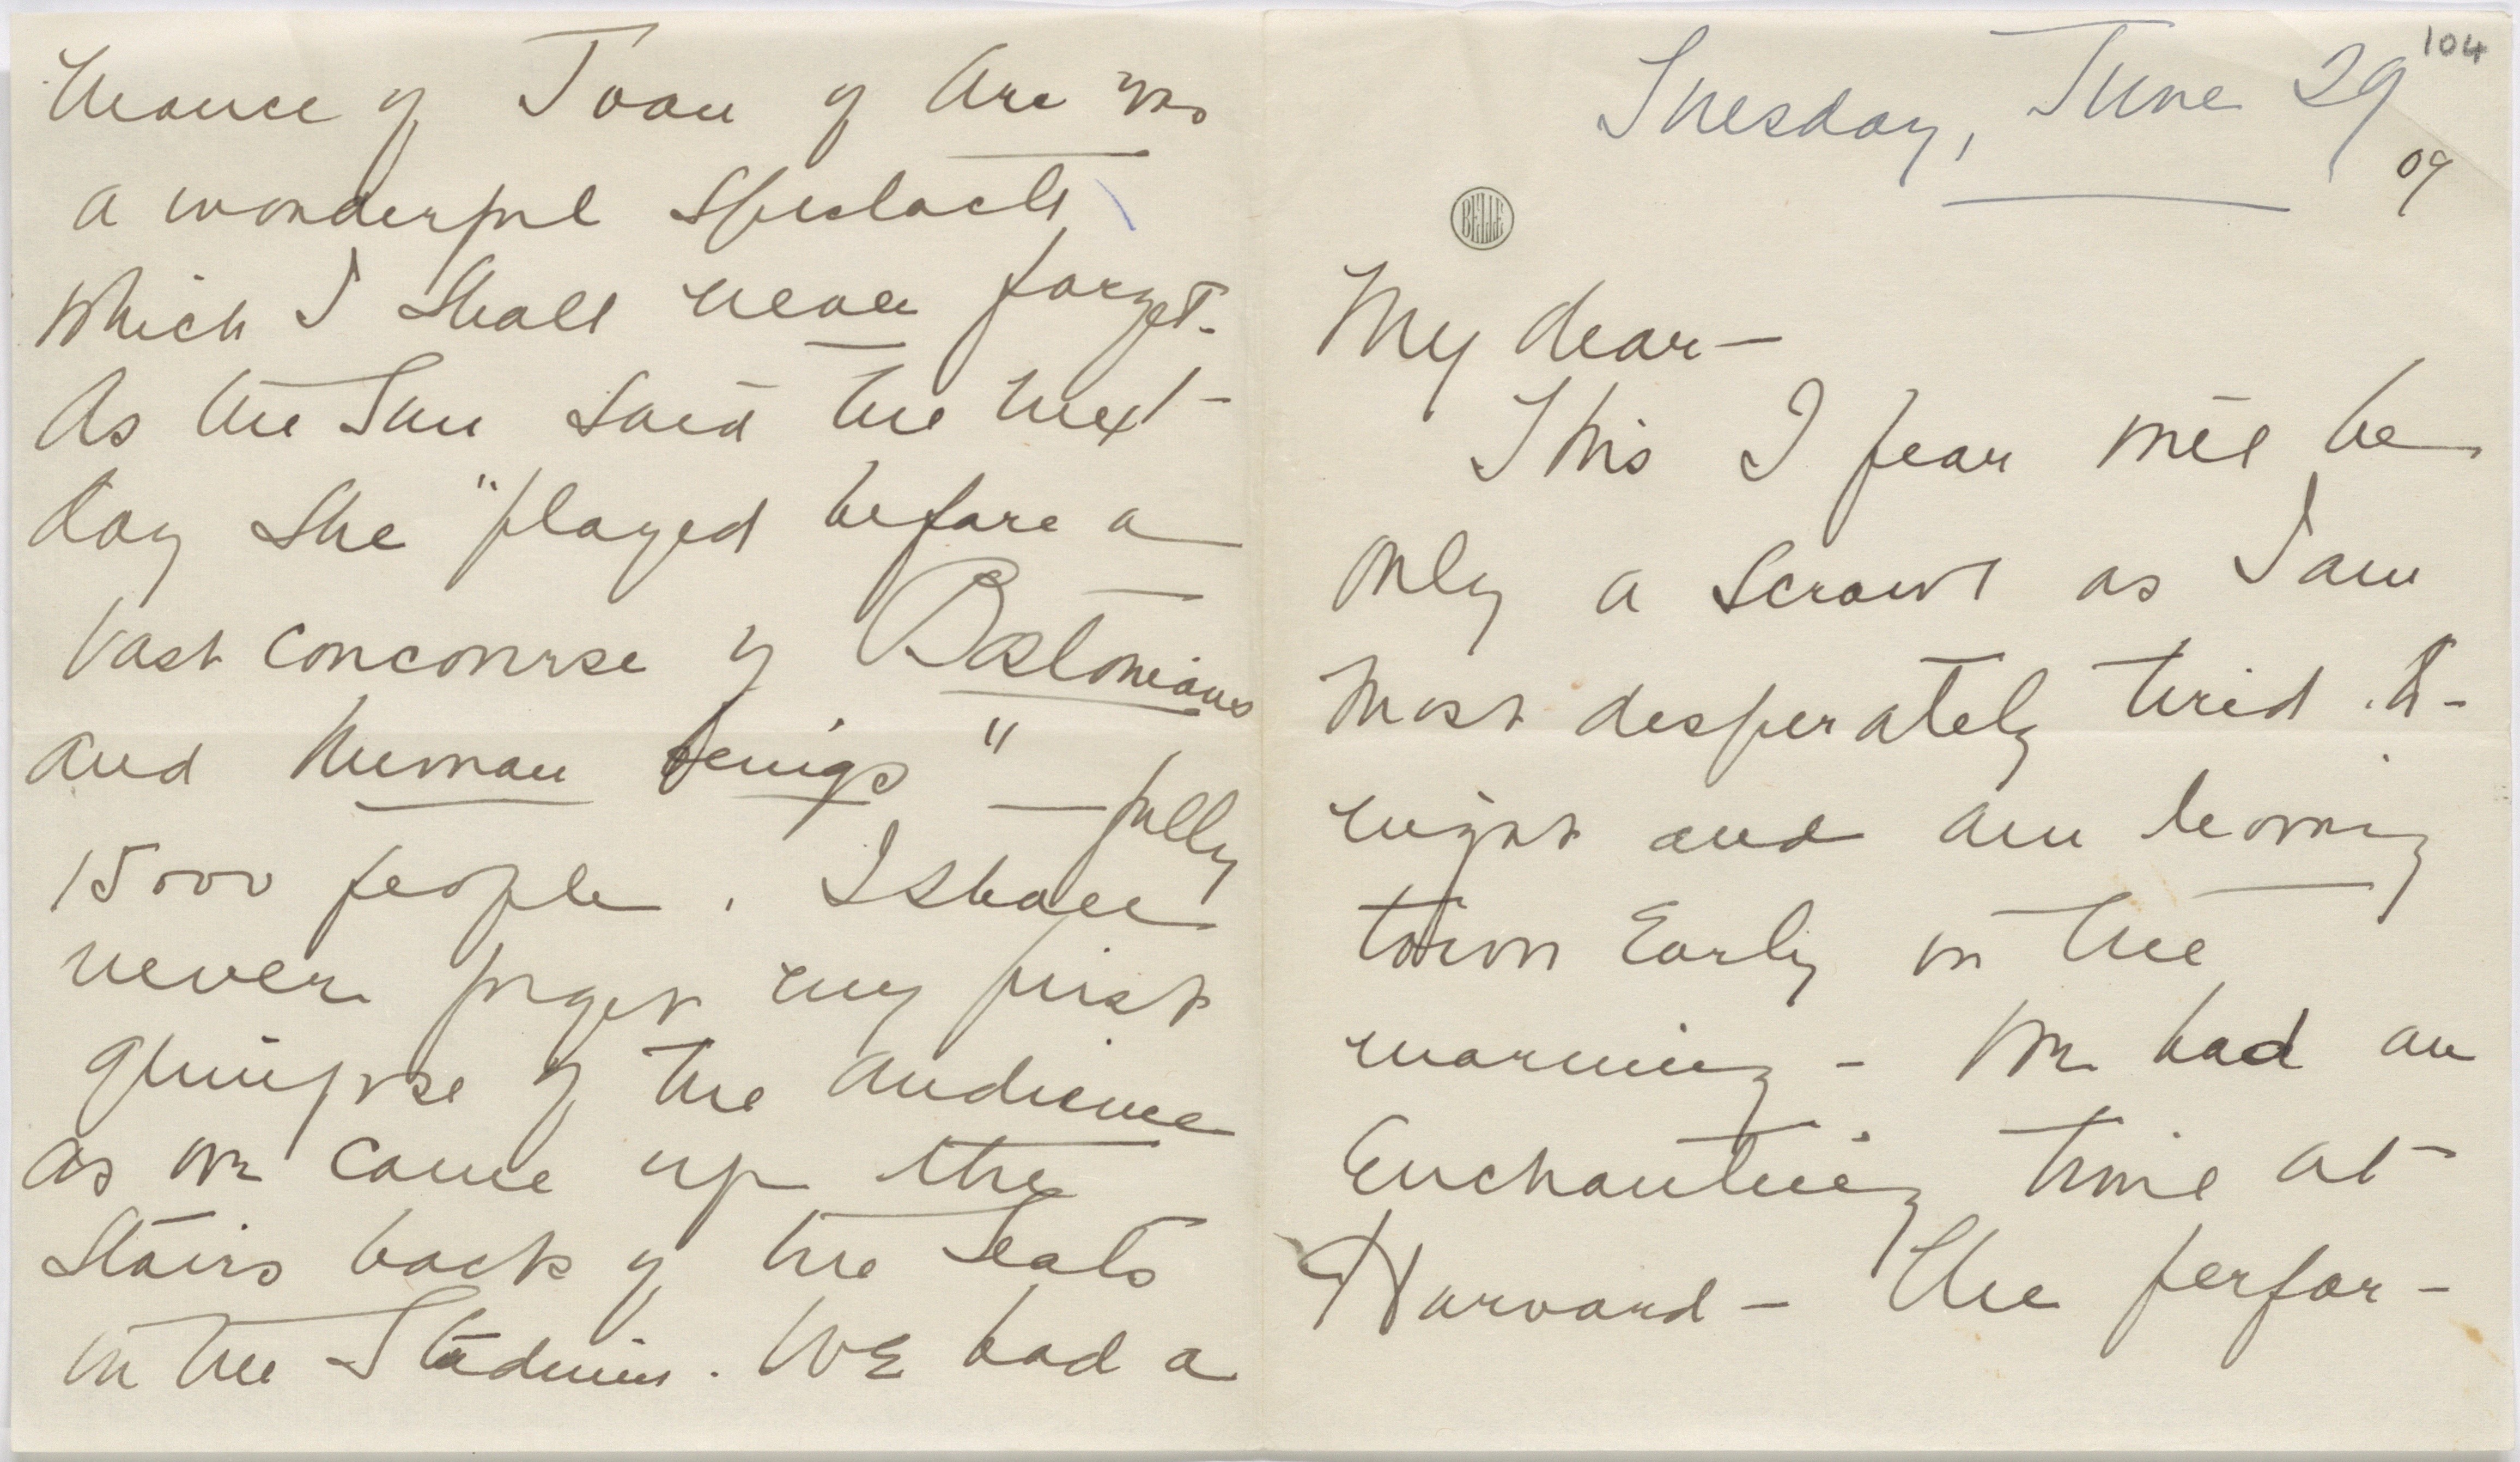Tuesday, June 29
My dear –
This I fear will be only a scrawl as I am most desperately tired tonight and am leaving town early in the morning – We had an enchanting time at Harvard – The performance
of Joan of Arc was a wonderful spectacle which I shall never forget – As the Sun said the next day she “played before a vast concourse of Bostonians and human beings” – fully 15000 people. I shall never forget my first glimpse of the audience as we came up the stairs back of the seats in the Stadium. We had a